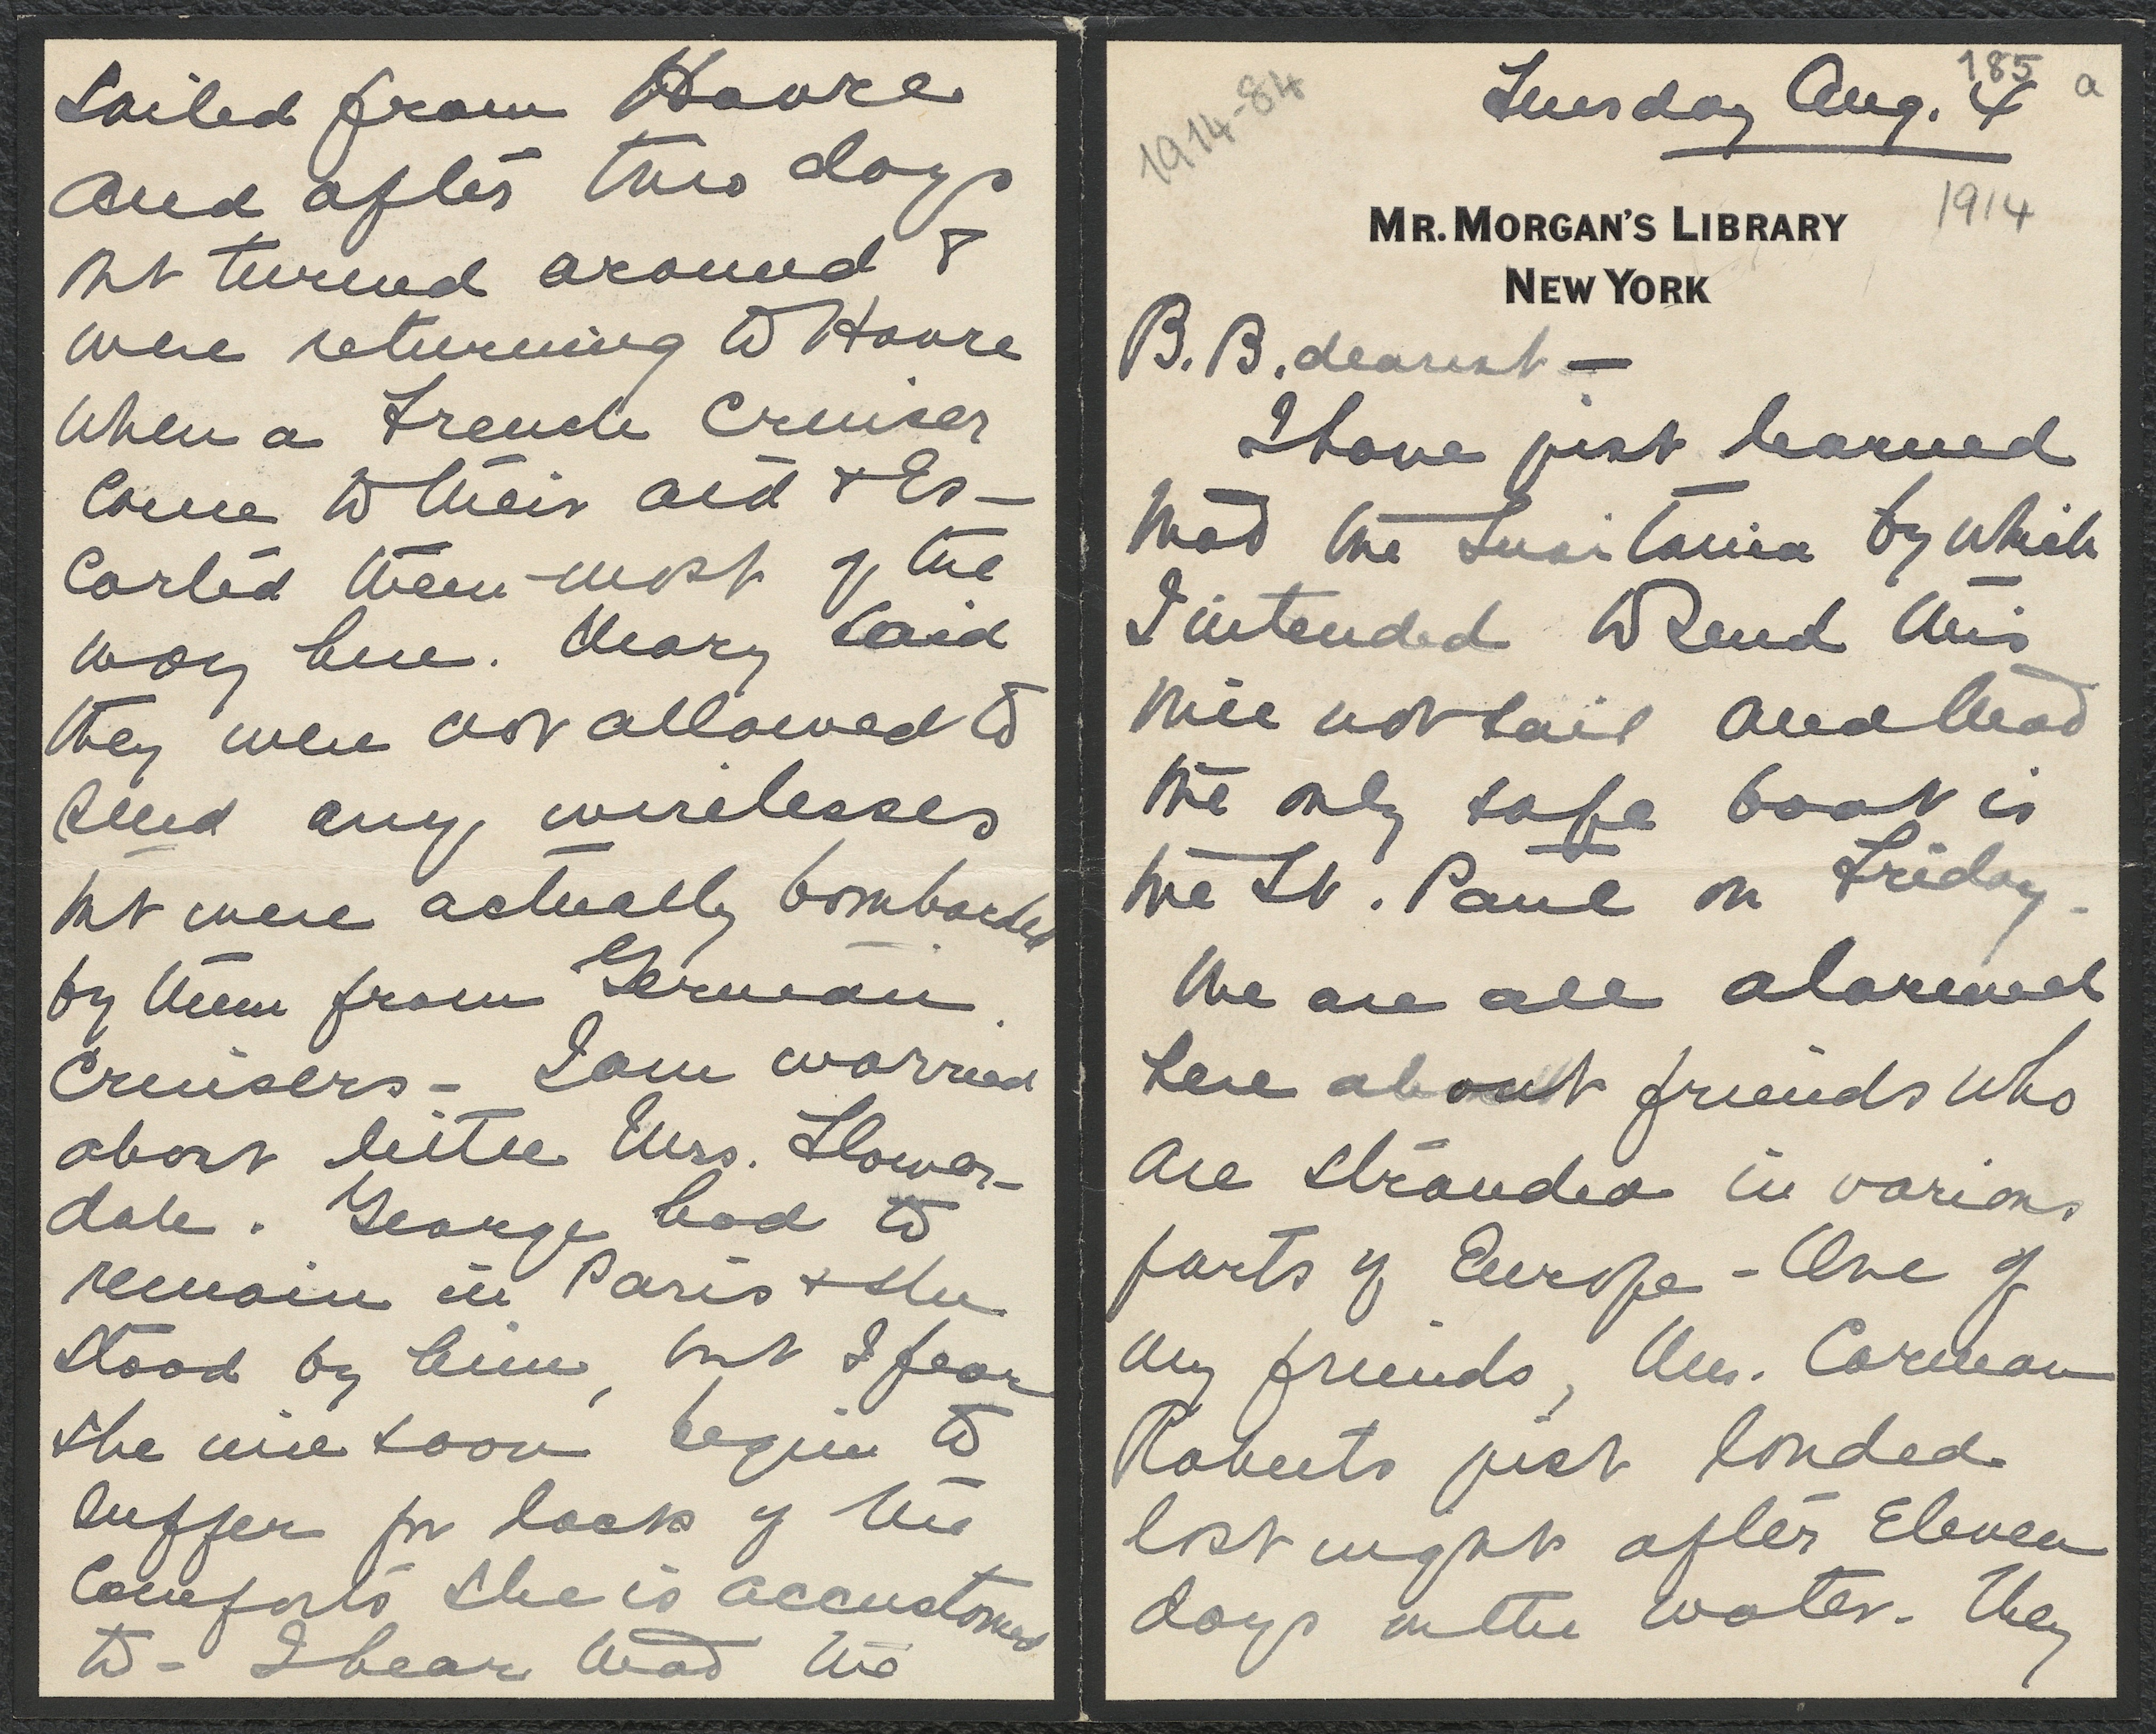Tuesday Aug. 4th
B.B. dearest –
I have just learned that the Lusitania by which I intended to send this will not sail and that the only safe boat is the St. Paul on Friday –
We are all alarmed here about friends who are stranded in various parts of Europe – One of my friends, Mrs. Carman Roberts just landed last night after eleven days on the water. They
sailed from Havre and after two days out turned around & were returning to Havre when a French cruiser came to their aid & escorted them most of the way here. Mary said they were not allowed to send any wirelesses but were actually bombarded by them from German cruisers – I am worried about little Mrs. Flowerdale. George had to remain in Paris & she stood by him, but I fear she will soon begin to suffer for lack of the comforts she is accustomed to – I hear that the